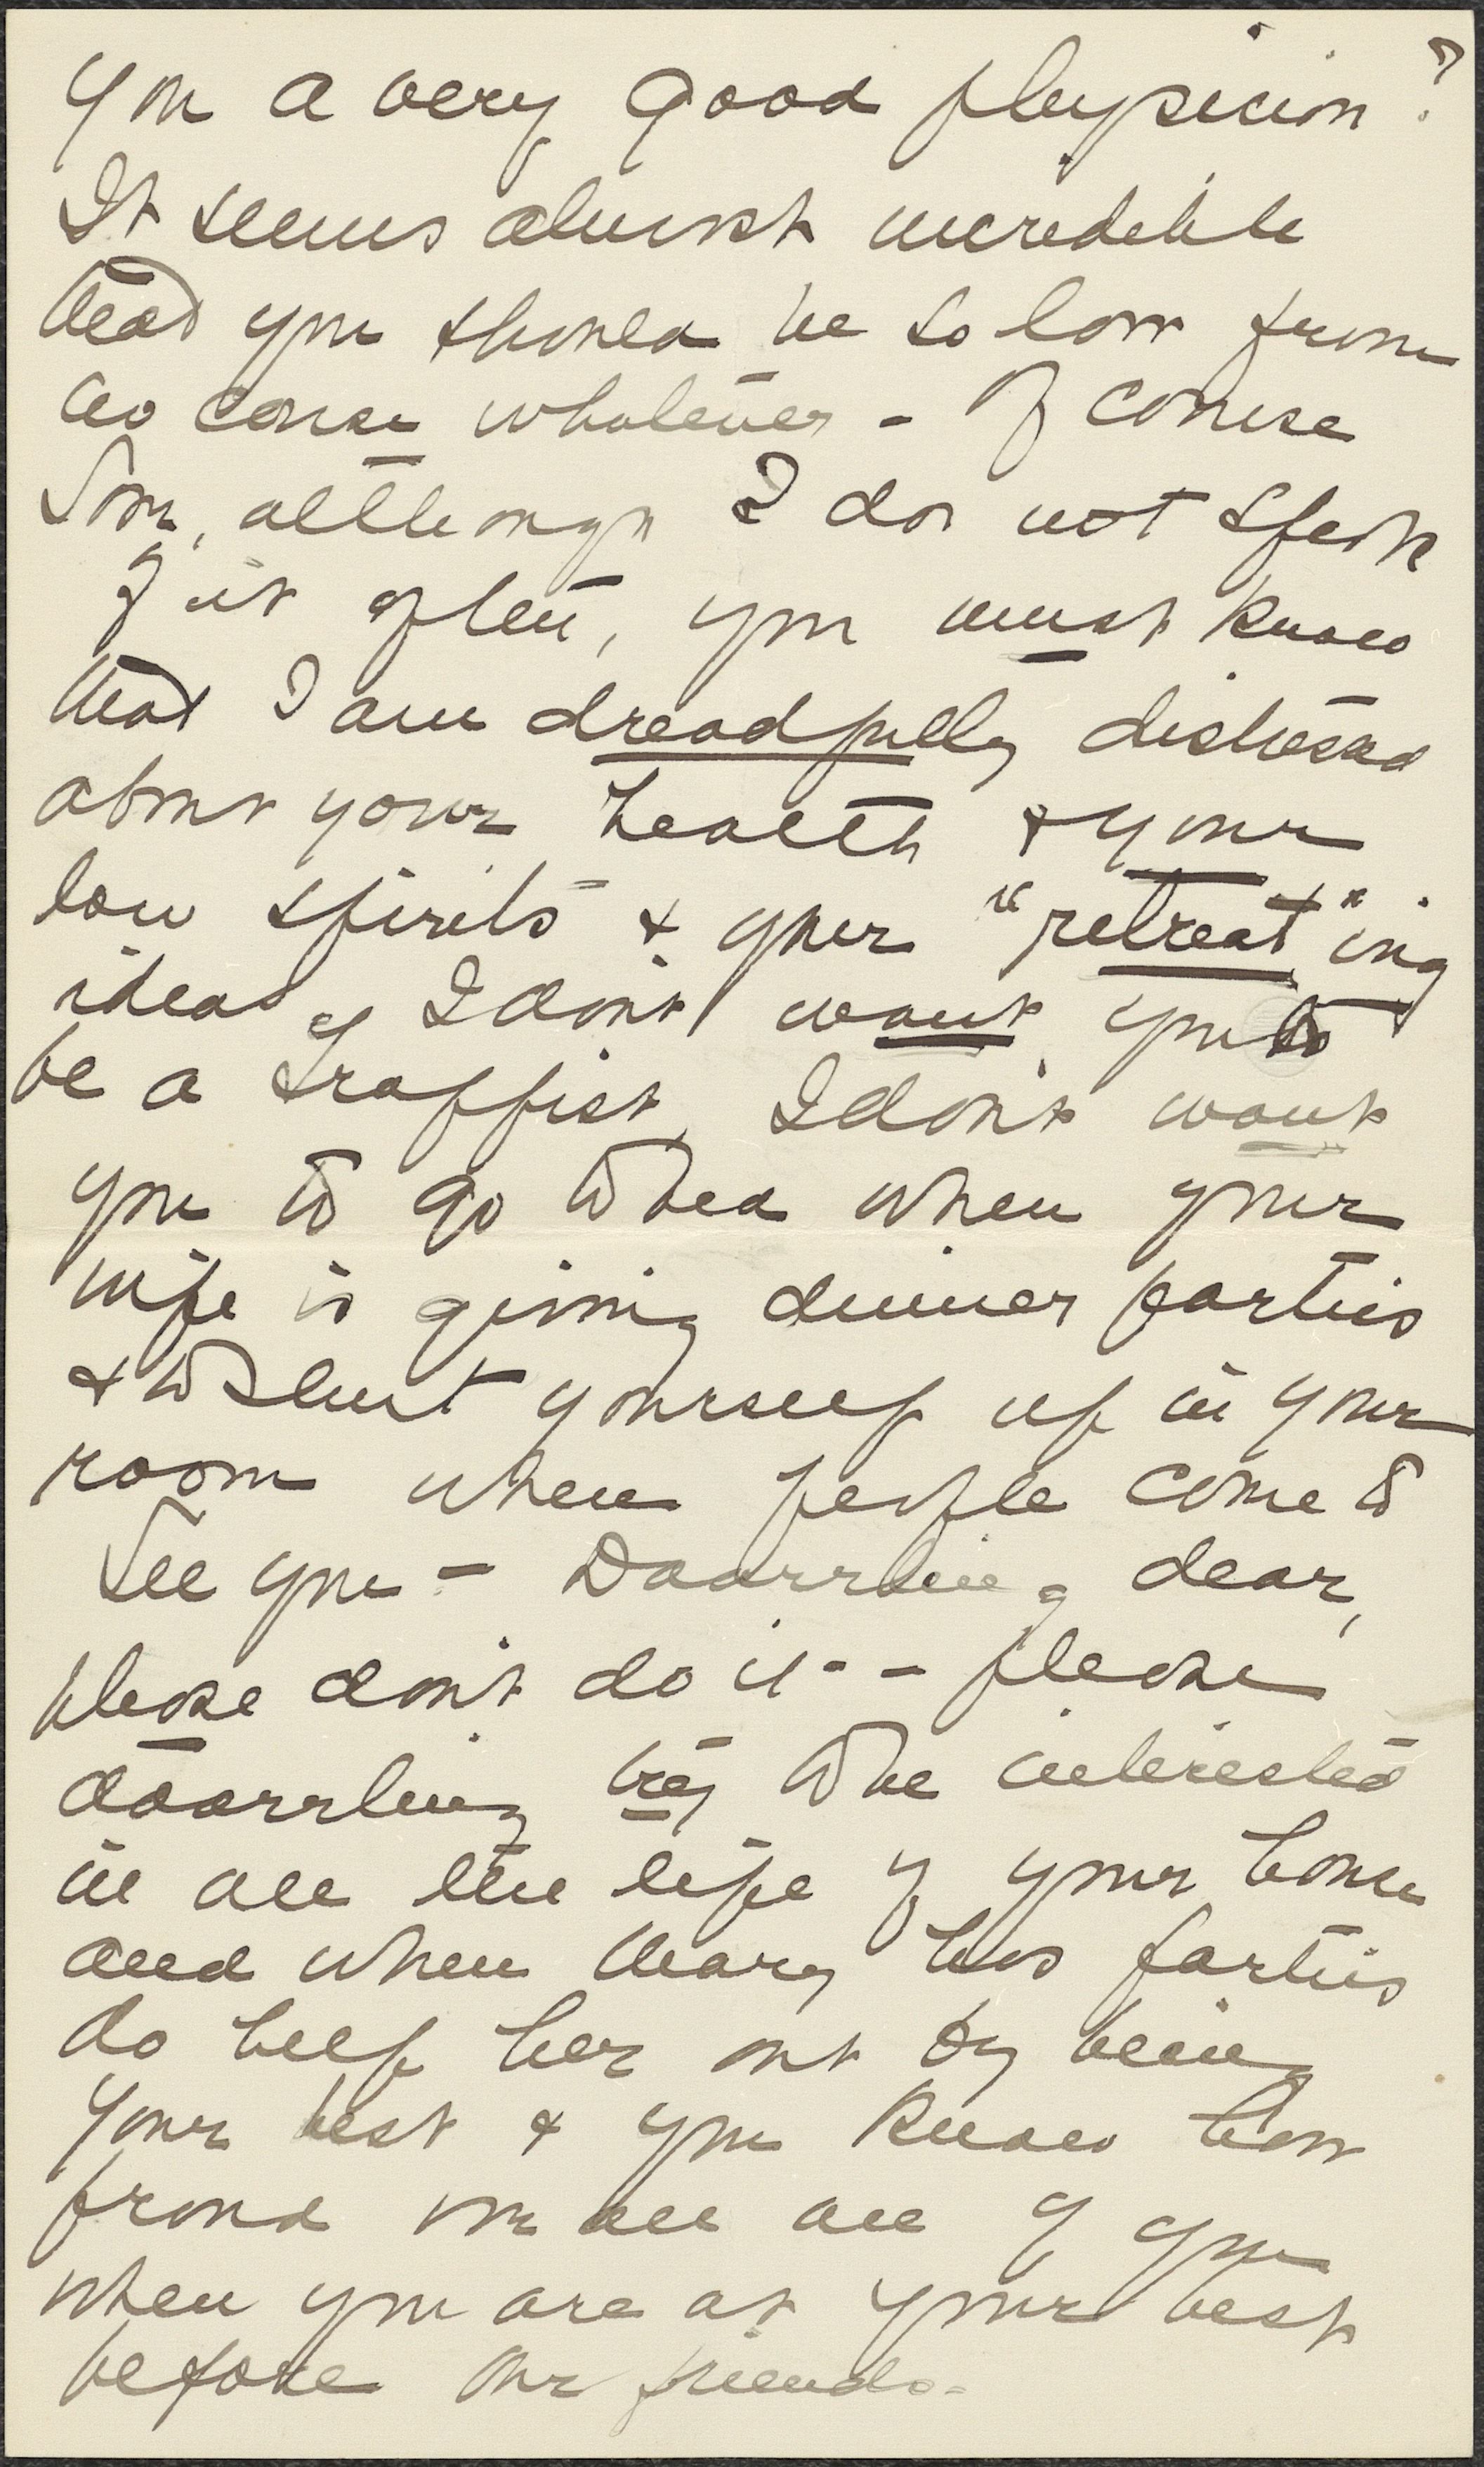you a very good physician? It seems almost incredible that you should be so low from no cause whatever – of course Love, although I do not speak of it often, you must know that I am dreadfully distressed about your health & your low spirits & your “retreating” ideas I don’t want you to be a Trappist, I don’t want you to go to bed when your wife is giving dinner parties & to shut yourself up in your room where people come to see you – Daarrling dear, please don’t do it – please daarrling try to be interested in all the life of your house and when Mary has parties do help her out by being your best & you know how proud we all are of you when you are at your best before our friends.